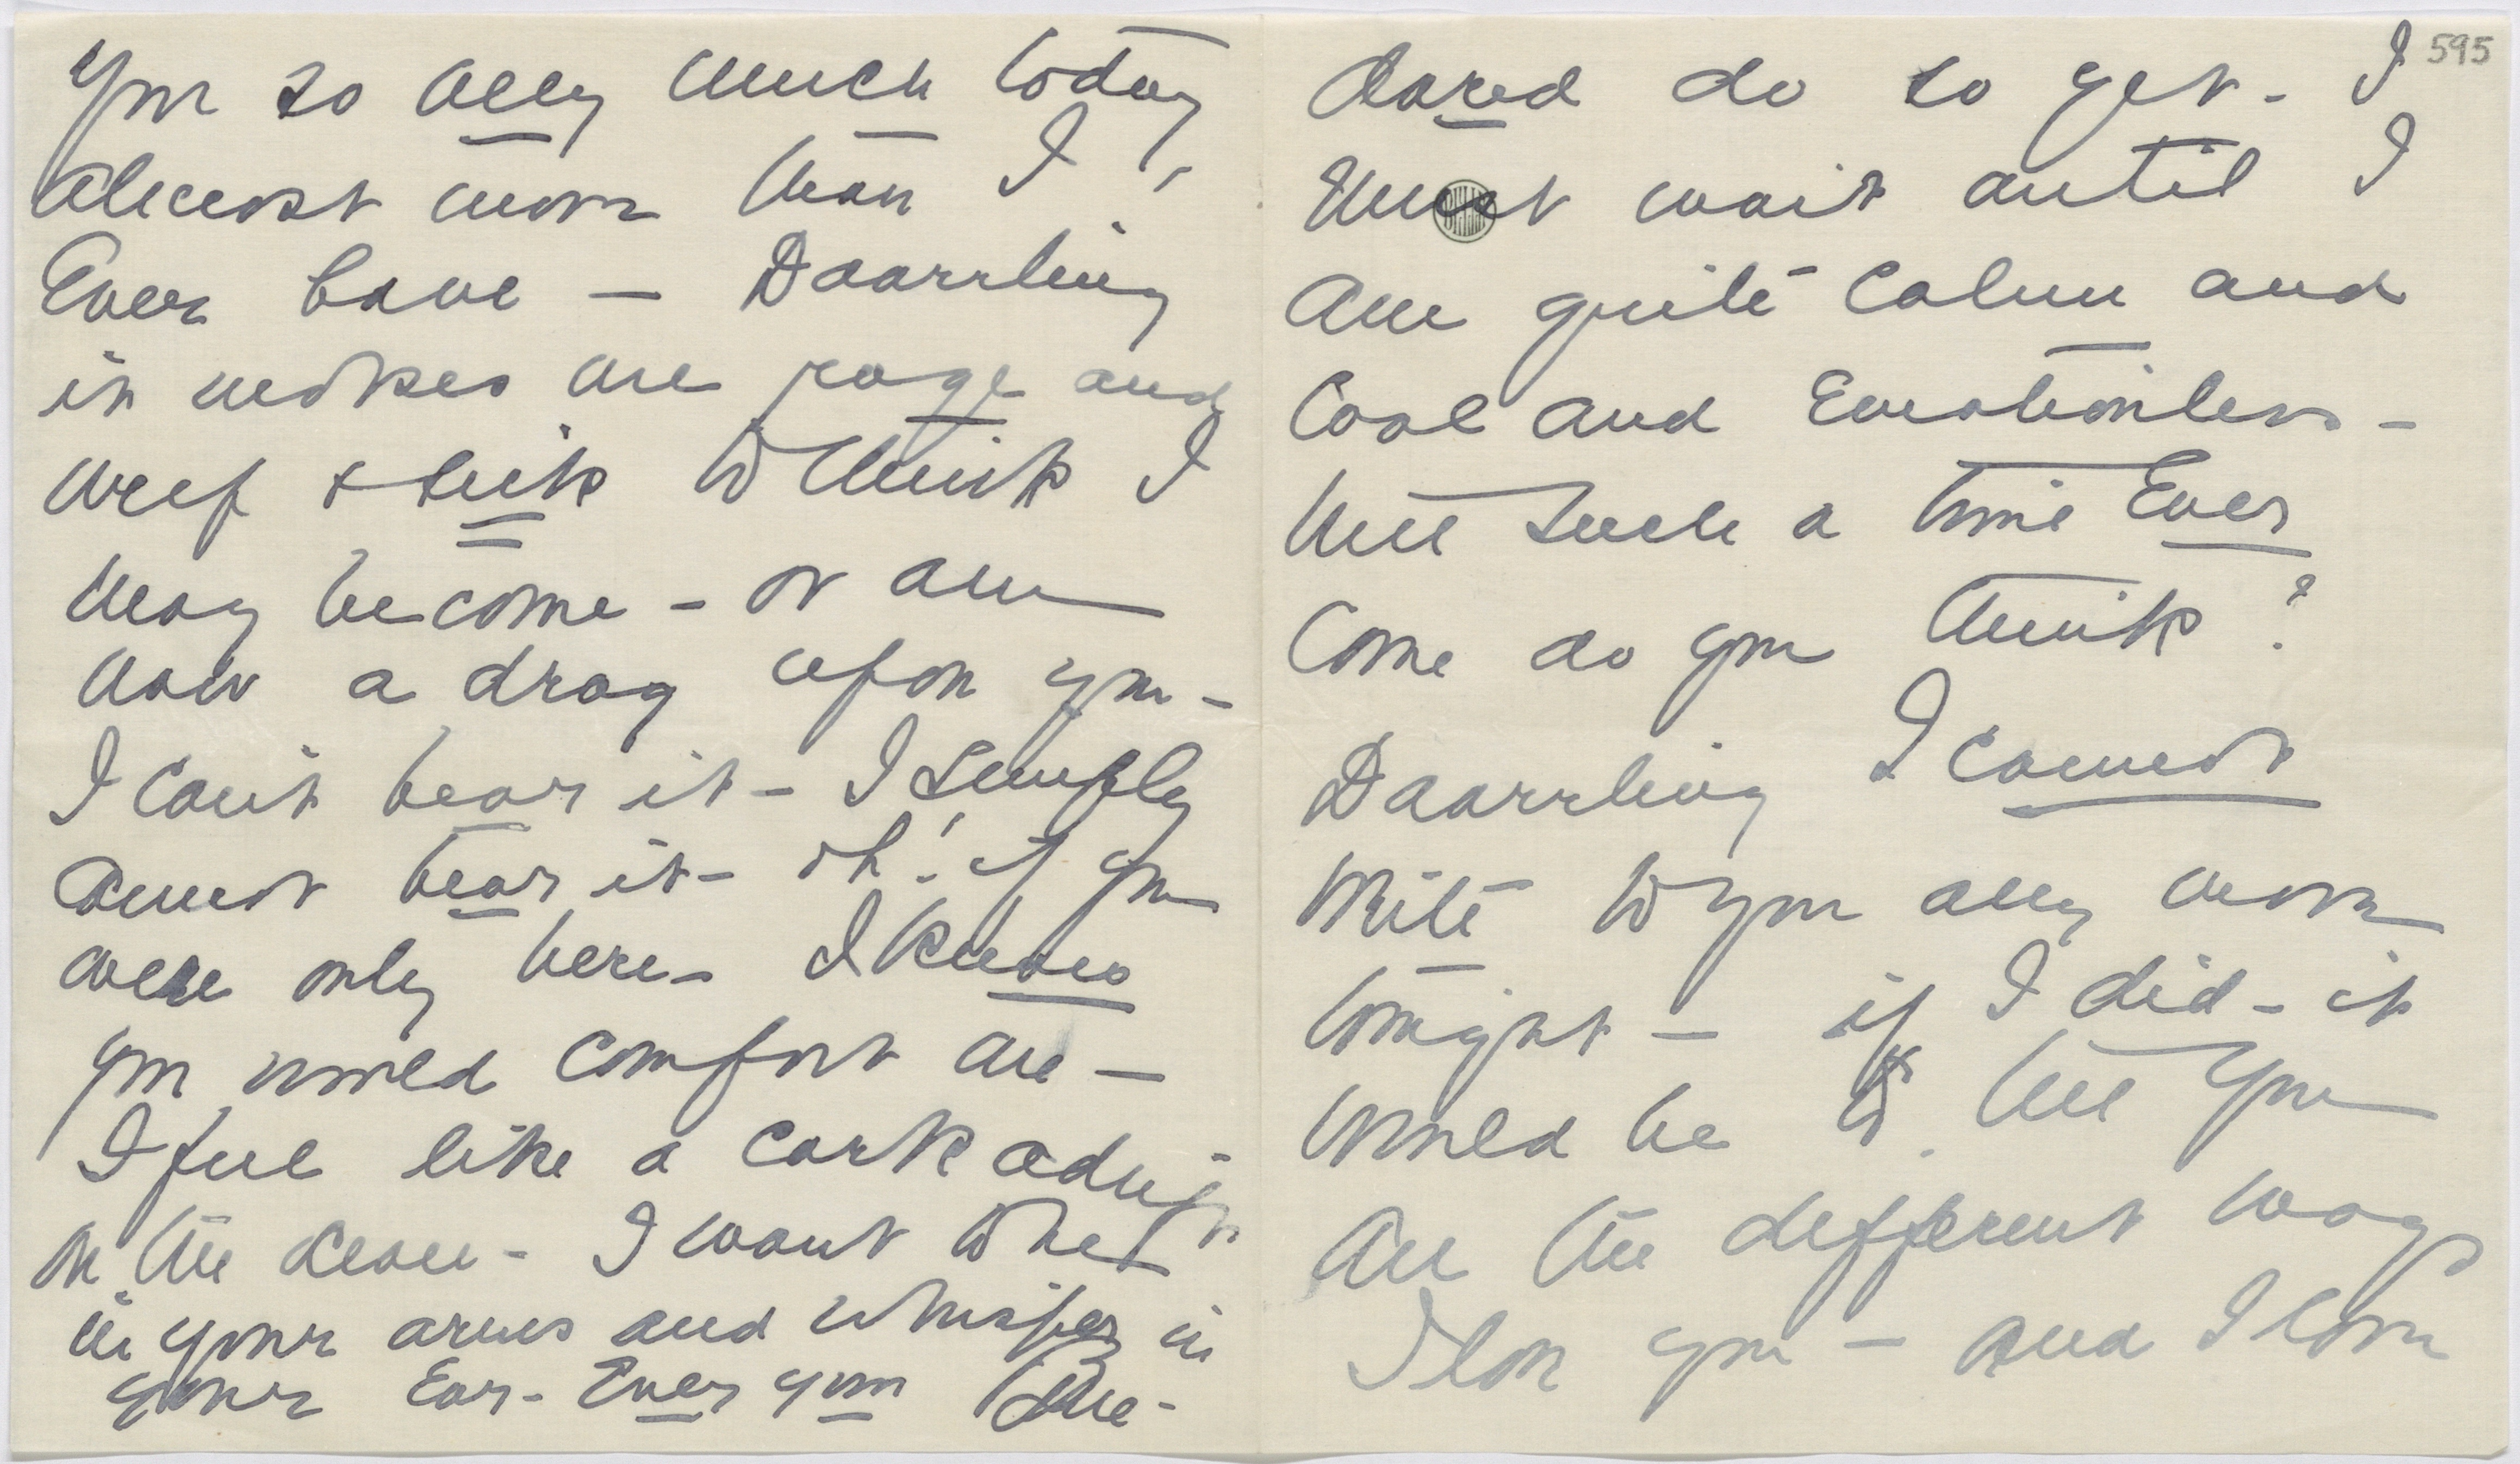dared do so yet – I must wait until I am quite calm and cool and emotionless – Will such a time ever come do you think?
Daarrling I cannot write to you any more tonight – if I did – it would be to tell you all the different ways I love you – and I love
you so very much today, almost more than I Ever have – Daarrling it makes me rage and weep & [double underlined: sick] to think I may become – or am now a drag upon you – I can’t bear it – I simply cannot bear it – oh! if you were only here – I know you would comfort me –
I feel like a cork adrift on the ocean – I want to be in your arms and whisper in your ear – Ever your Belle –